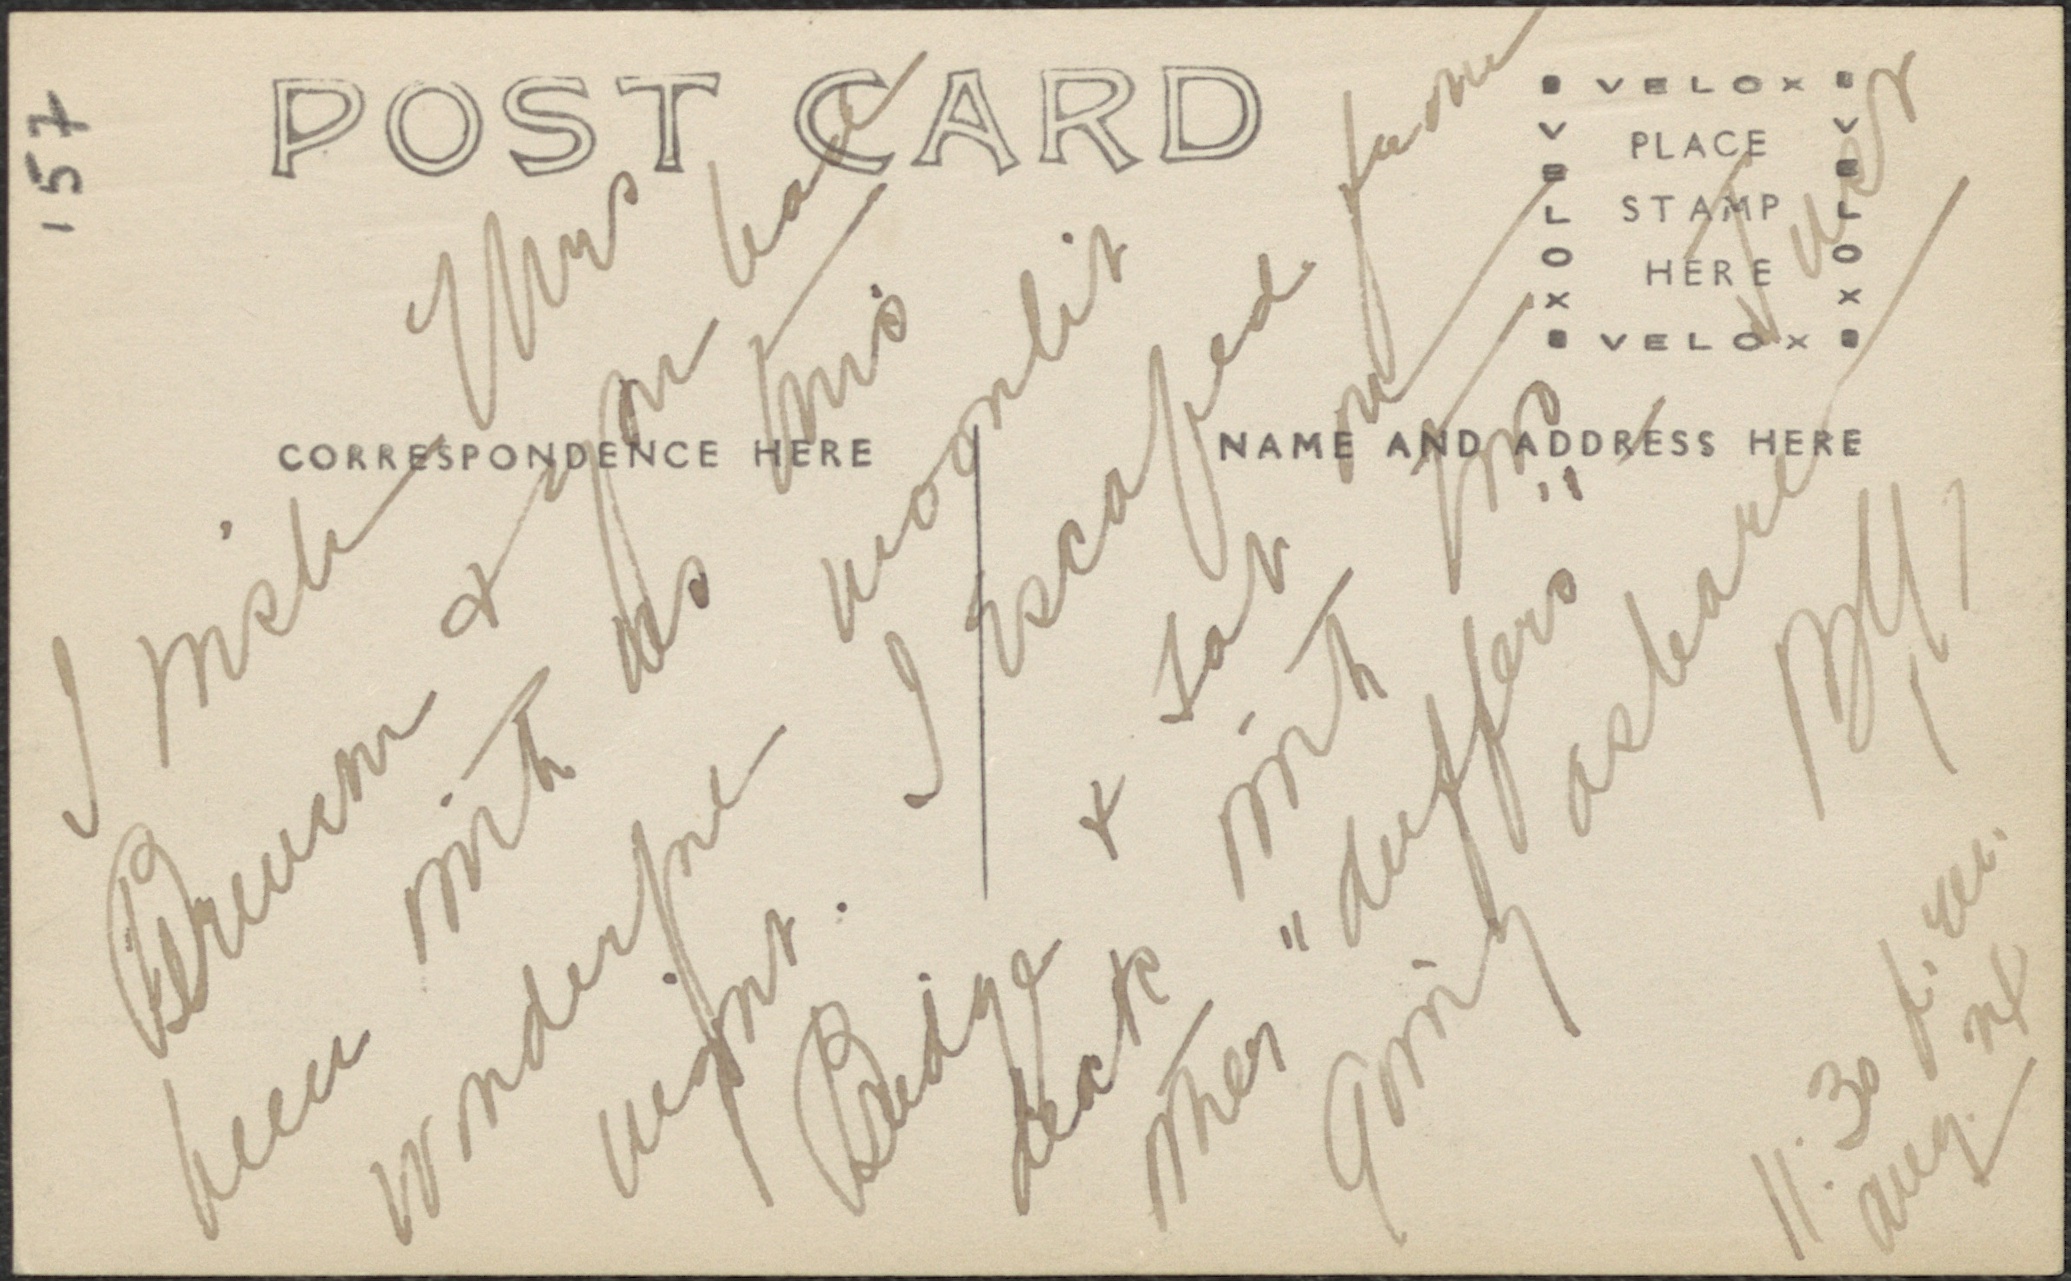[written on diagonal]
I wish Mrs. Berenson & you had been with us this wonderful moonlit night. I escaped from Bridge & sat on deck with two other “duffers” – Just going ashore –
B. G.
11:30 p.m.
Aug. 24